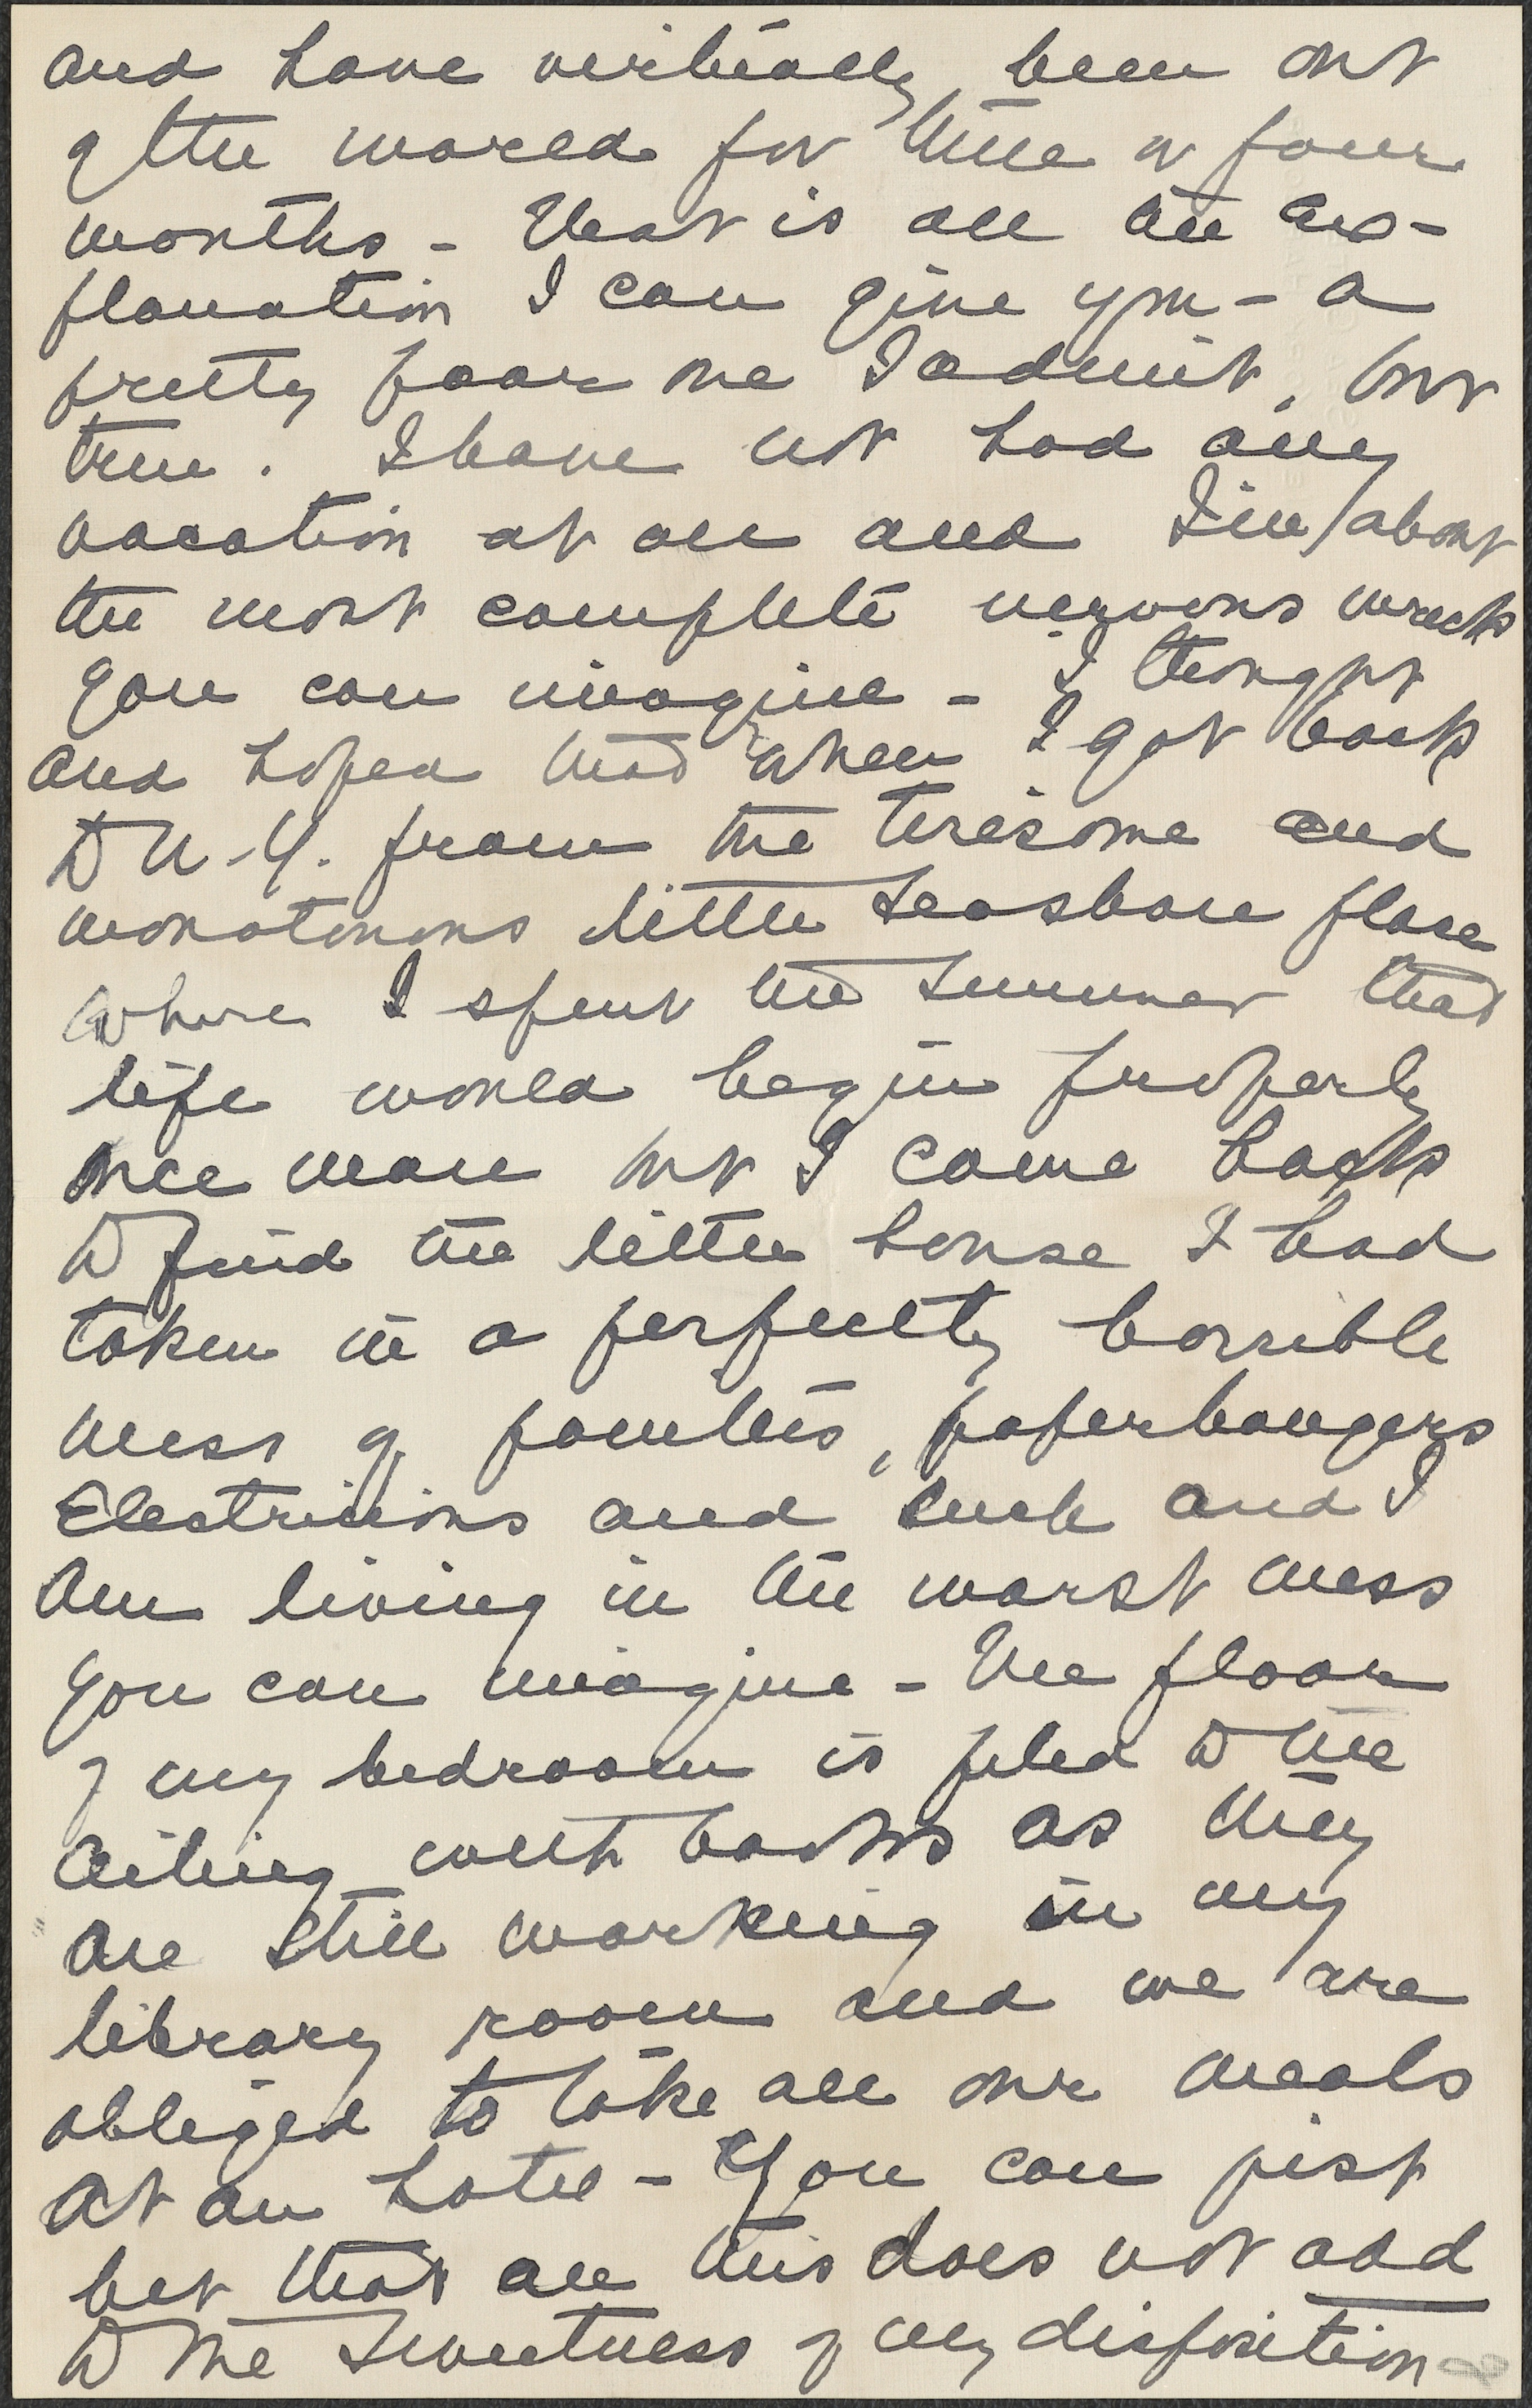and have virtually been out of the world for three or four months – That is all the explanation I can give you – a pretty poor one I admit, but true. I have not had any vacation at all and I'm about the most complete nervous wreck you can imagine – I thought and hoped that when I got back to N.Y. from the tiresome and monotonous little seashore place where I spent the summer that life would begin properly once more but I came back to find the little house I had taken in a perfectly horrible mess of painters, paperhangers electricians and such and I am living in the worst mess you can imagine – The floor of my bedroom is piled to the ceiling with books as they are still working in my library room and we are obliged to take all our meals at an hotel – You can just bet that all this does not add to the sweetness of my disposition